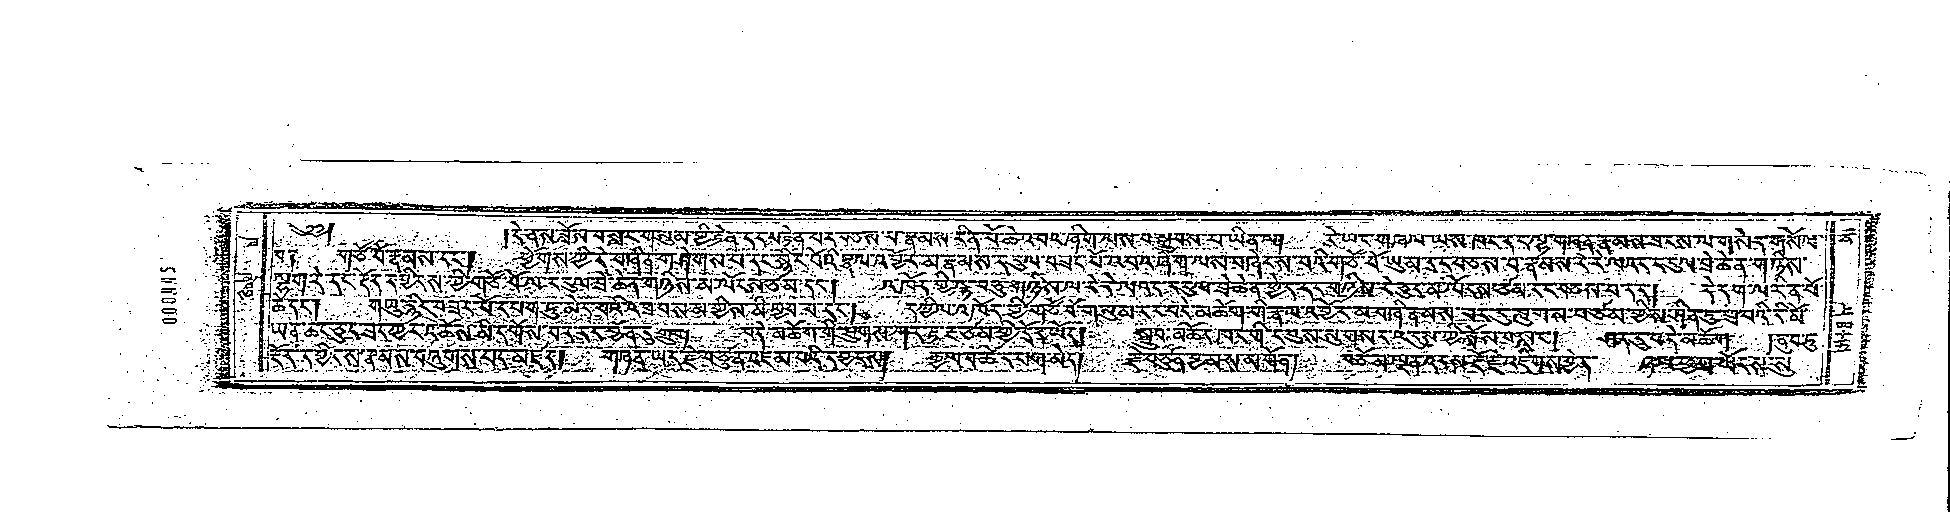༄༅། །དེ་ནས་བློས་བསླང་གསུམ་གྱི་རྟེན་དང་བརྟེན་པར་བཅས་པ་རྣམས་རིན་པོ་ཆེ་འབའ་ཞིག་ལས་བསྒྲུབས་པ་ཡིན་ལ། དེ་ཡང་གཞལ་ཡས་ཁང་དང་ལྷ་གཞན་རྣམས་ཟངས་ལ་གསེར་གསོལ་
བ༑ གཙོ་བོ་རྣམས་དང་། ཕྱོགས་ཀྱི་དེ་བཞིན་གཤེགས་པ་དང་སྙིང་པོའི་རྣལ་འབྱོར་མ་རྣམས་དངུལ་བཟང་པོ་འབའ་ཞིག་ལས་བཞེངས་པའི་གཙོ་བོ་ཡུམ་དྲང་བཅས་བ་རྣམས་རེ་རེ་ལའང་དངུལ་བྲེ་ཆེན་གཉིས་
ལྷག་རེ་དང་རྡོར་དབྱིངས་ཀྱི་གཙོ་བོ་ལ་དངུལ་བྲེ་ཆེན་གཉིས་མ་ལོངས་ཙམ་དང་། འཁོར་གྱི་ལྷ་བཅུ་གཉིས་ལ་རེ་རེ་ལའང་དངུལ་བྲེ་ཆེན་ཕྱེད་དང་གཉིས་རེ་ཅུང་མ་ལོངས་ཙམ་དང་བཅས་པ་དང་། དེ་དག་ལ་རིན་པོ་
ཆེ་དང་། གཡུ་རྙིང་བཟང་པོ་དཔག་ཏུ་མེད་པའི་འཕྲ་བསམ་གྱིས་མི་ཁྱབ་པ་དང་། དཀྱིལ་འཁོར་གྱི་གཙོ་བོ་གསུམ་དང་བདེ་མཆོག་གི་རྣལ་འབྱོར་མ་བཞི་རྣམས་པར་དུ་བླུགས་པ་ཙམ་གྱིས་ཤིན་ཏུ་ཕྲ་བའི་རི་མོ་
ཡན་ཆད་ཅུང་ཟད་ཀྱང་འཆོས་མི་དགོས་བར་རང་བྱོན་དུ་གྲུབ། བདེ་མཆོག་གི་ཐུགས་ཀར་རྟ་རྔ་ཙམ་གྱི་དྲོད་ཡོད། སྒྲུབ་མཆོད་ཁང་གི་དབུས་སུ་གསང་འདུས་ཀྱི་ཟློས་བསླང་། ཤར་དུ་བདེ་མཆོག །ནུབ་ཏུ་
རྡོར་དབྱིངས་རྣམས་བཞུགས་པར་མཛད། གཞན་ཡང་རྗེ་བཙུན་འཇམ་པའི་དབྱངས། རྒྱལ་བ་ཚེ་དཔག་མེད། རྗེ་བཙུན་བྱམས་མགོན། བཅོམ་ལྡན་འདས་རྡོ་རྗེ་འཇིགས་བྱེད། ཞལ་ཕྱག་ཡོངས་སུ་